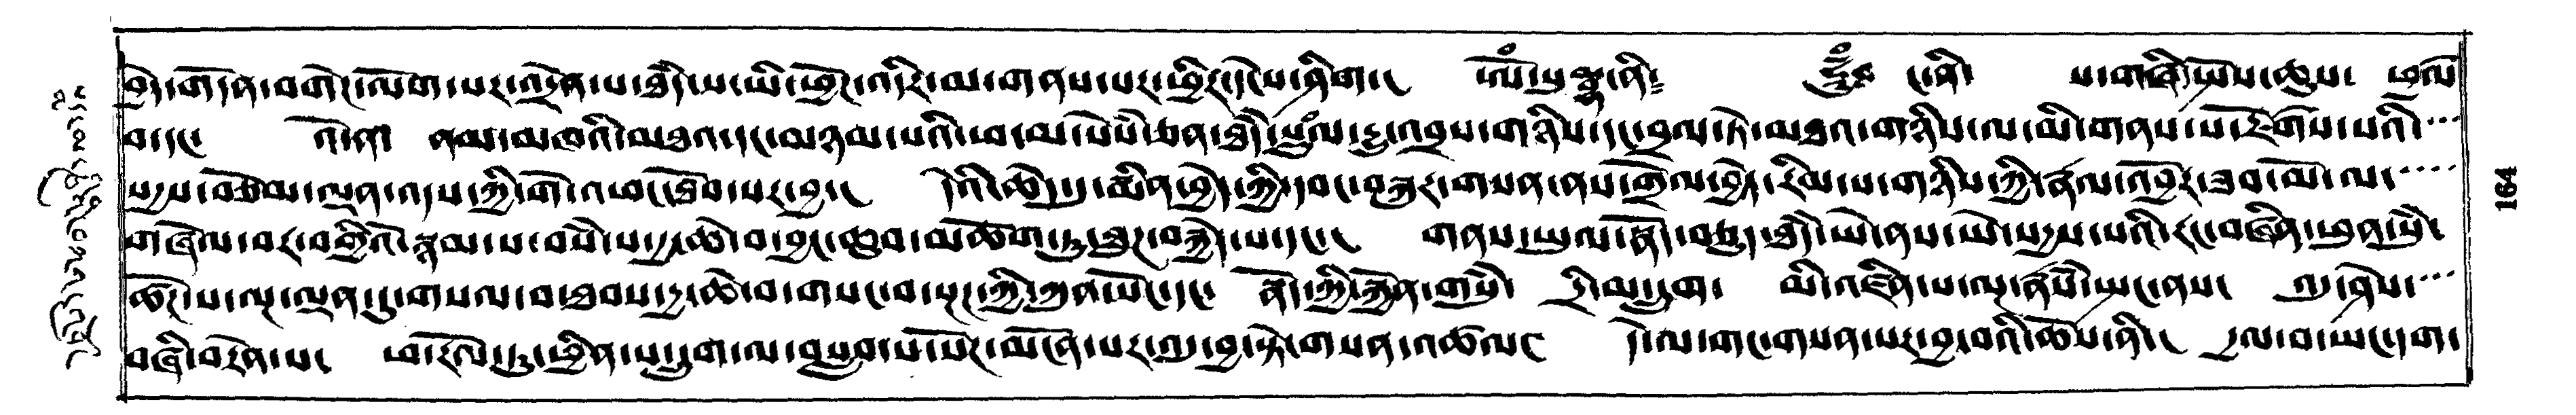བྱེད་གདོན་བགེགས་ལོག་པར་འདྲེན་པ་ཐམས་ཅད་སའི་ཕྱིགས་འདིར་མ་གནས་པར་ཕྱིར་དེངས་ཤིག ཨོཾ་སུམྦྷ་ནི༴ ཧཱུྃཿ ང་ནི༴ ས་གཞི་སྤོས་ཆུས། ཕྱག་འཚལ་
བ་དང་། འོ་ན། ནམ་མཁའི་མཐའ་དང་མཉམ་པའི་ཕ་མ་སེམས་ཅན་ཐམས་ཅད་སྡུག་བསྔལ་རྒྱུ་འབྲས་གཉིས་དང་བྲལ་ཏེ་མཐའ་གཉིས་ལ་མི་གནས་པ་རྫོགས་པའི་
སངས་རྒྱས་བཅོམ་ལྡན་འདས་ཀྱི་གོ་འཕང་ཐོབ་པར་བྱ། དེའི་ཆེད་དུ་སྨིན་བྱེད་ཀྱི་དབང་བསྐུར་བསན་ནས་གྲོལ་བྱེད་རིམ་པ་གཉིས་ཀྱི་རྣལ་འབྱོར་ཟབ་མོ་ལ་
གཞོལ་བར་བགྱིའོ་སྙམ་པ་བསམ་པ་རྒྱ་ཆེ་བ་བྱང་ཆུབ་མཆོག་ཏུ་ཐུགས་བསྐྱེད་པ་དང་། གནས་ཡུལ་སྣོད་བཅུད་ཐམས་ཅད་ཡེ་ནས་ཡེ་སངས་རྒྱས་པའི་རང་བཞིན་ཕུན་སུམ་
ཚོགས་པ་ལྔ་ལྡན་དུ་གསལ་བ་ཐབས་རྒྱ་ཆེ་བ་གསང་བ་སྔགས་ཀྱི་ཀུན་སློང་དང་། སྣོད་ཀྱི་སྐྱོན་གསུམ། དྲི་མ་དྲུག། མི་འཛིན་པ་ལྔ་རྣམས་སྤངས་ནས། འདུ་ཤེས་
བཞི་བརྟེན་པ། ཕ་རོལ་ཏུ་ཕྱིན་པ་དྲུག་ལ་བསླབ་པ་སོགས་མངོན་པར་འདུ་བྱས་སྟེ་གསན་འཚལ། དེ་ལ་གང་གསན་པར་བྱ་བའི་ཆོས་ནི། རྒྱལ་བ་ཡང་དག